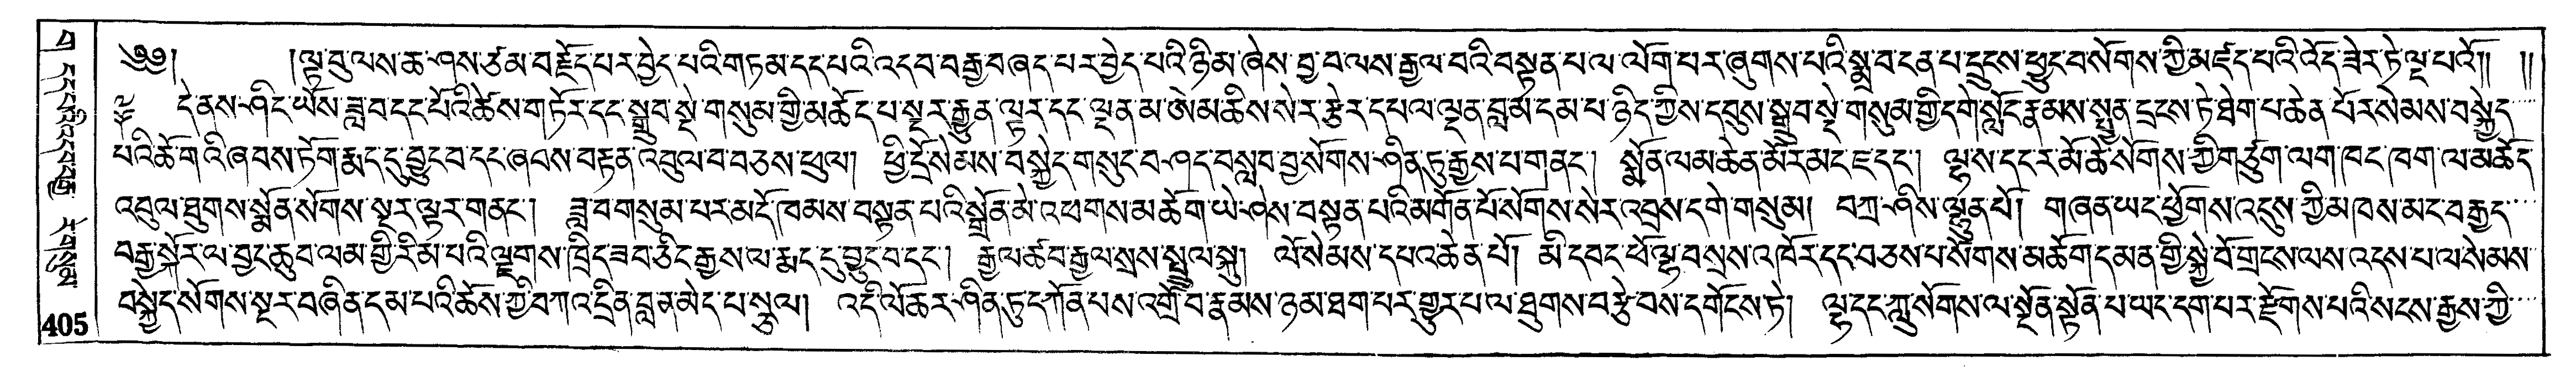༄༅། །ལྟ་བུ་ལས་ཆ་ཤས་ཙམ་བརྗོད་པར་བྱེད་པའི་གཏམ་དད་པའི་འདབ་བརྒྱ་བཞད་པར་བྱེད་པའི་ཉི་མ་ཞེས་བྱ་བ་ལས་རྒྱལ་བའི་བསྟན་པ་ལ་ལོག་པར་ཞུགས་པའི་སྨྲ་བ་ངན་པ་དྲུངས་ཕྱུང་བ་སོགས་ཀྱི་མཛད་པའི་འོད་ཟེར་ཏེ་ལྔ་པའོ།། །།
༈ དེ་ནས་ཤིང་ཡོས་ཟླ་བ་དང་པོའི་ཚེས་གཏོར་དང་སྒྲུབ་སྡེ་གསུམ་གྱི་མཆོད་པ་སྔར་རྒྱུན་ལྟར་དང་ལྡན་མ་ཨེམ་ཆིས་སེ་ར་རྩེར་དཔལ་ལྡན་བླ་མ་དམ་པ་ཉིད་ཀྱིས་དབུས་སྒྲུབ་སྡེ་གསུམ་གྱི་དགེ་སློང་རྣམས་སྤྱན་དྲངས་ཏེ་ཐེག་པ་ཆེན་པོར་སེམས་བསྐྱེད་
པའི་ཆོ་གའི་ཞབས་ཏོག་རྨད་དུ་བྱུང་བ་དང་ཞབས་བརྟན་འབུལ་བ་བཅས་ཕུལ། ཕྱི་དྲོ་སེམས་བསྐྱེད་གསུང་བཤད་བསླབ་བྱ་སོགས་ཤིན་ཏུ་རྒྱས་པ་གནང་། སྨོན་ལམ་ཆེན་མོར་མང་ཇ་དང་། ལྷས་དང་ར་མོ་ཆེ་སོགས་ཀྱི་གཙུག་ལག་ཁང་ཁག་ལ་མཆོད་
འབུལ་ཐུགས་སྨོན་སོགས་སྔར་ལྟར་གནང་། ཟླ་བ་གསུམ་པར་མདོ་ཁམས་བསྟན་པའི་སྒྲོན་མེ་འཕགས་མཆོག་ཡེ་ཤེས་བསྟན་པའི་མགོན་པོ་སོགས་སེར་འབྲས་དགེ་གསུམ། བཀྲ་ཤིས་ལྷུན་པོ། གཞན་ཡང་ཕྱོགས་འདུས་ཀྱི་མཁས་མང་བརྒྱད་
བརྒྱ་སྐོར་ལ་བྱང་ཆུབ་ལམ་གྱི་རིམ་པའི་ལྗགས་ཁྲིད་ཟབ་ཅིང་རྒྱས་ལ་རྨད་དུ་བྱུང་བ་དང་། རྒྱལ་ཚབ་རྒྱལ་སྲས་སྤྲུལ་སྐུ། ལོ་སེམས་དཔའ་ཆེན་པོ། མི་དབང་ཕོ་ལྷ་བ་སྲས་འཁོར་དང་བཅས་པ་སོགས་མཆོག་དམན་གྱི་སྐྱེ་བོ་གྲངས་ལས་འདས་པ་ལ་སེམས་
བསྐྱེད་སོགས་སྔར་བཞིན་དམ་པའི་ཆོས་ཀྱི་བཀའ་དྲིན་བླ་ན་མེད་པ་སྩལ། འདི་ལོ་ཆར་ཤིན་ཏུ་དཀོན་པས་འགྲོ་བ་རྣམས་ཉམ་ཐག་པར་གྱུར་པ་ལ་ཐུགས་བརྩེ་བས་དགོངས་ཏེ། ལྷ་དང་ཀླུ་སོགས་ལ་སྔོན་སྟོན་པ་ཡང་དག་པར་རྫོགས་པའི་སངས་རྒྱས་ཀྱི་